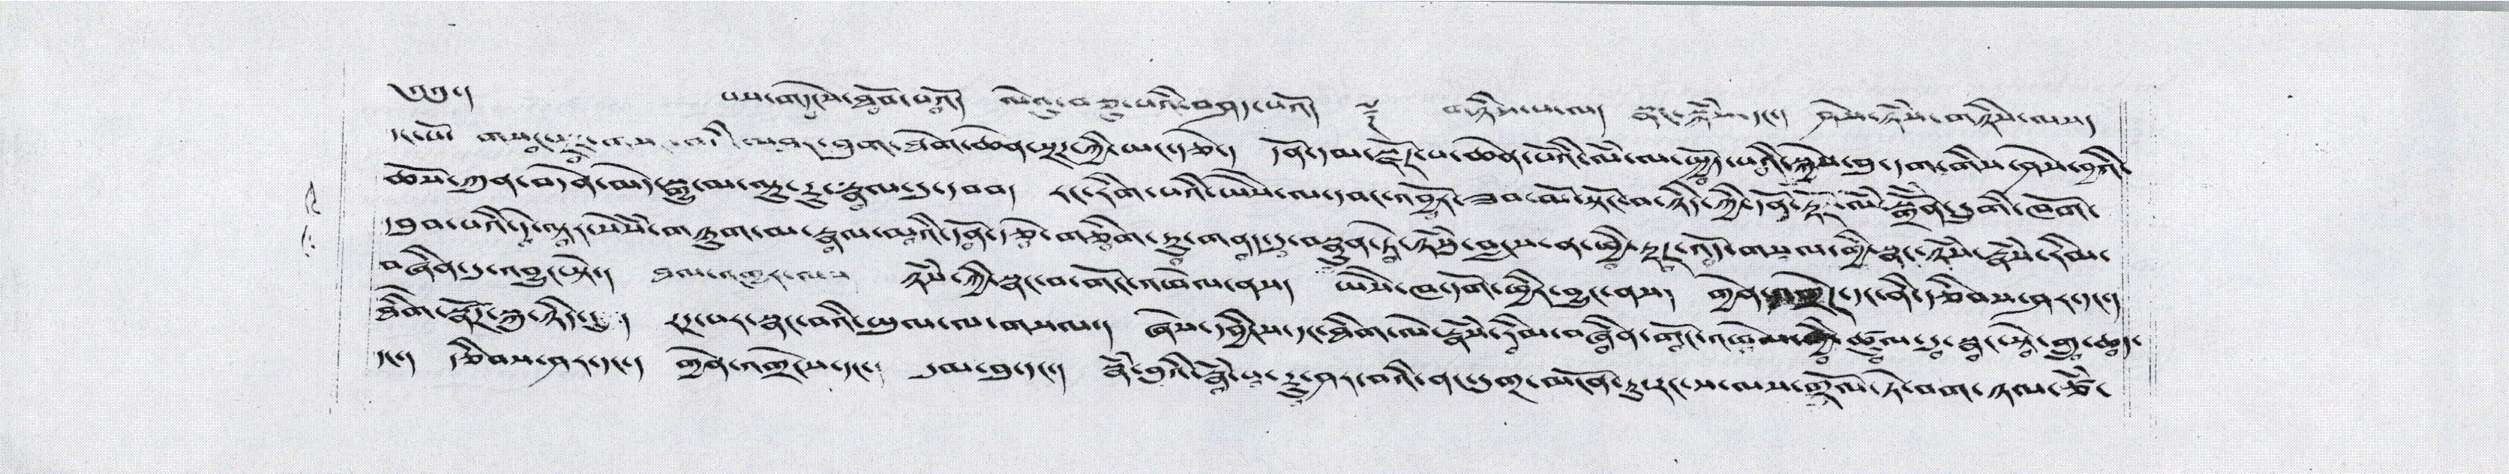པས་གདེང་ཐོབ་པའོ། ལེའུ་བཅུ་པའི་བཤད་པའོ།། ༧ གཉིས་པ་ལ་སྣང་ཉམས་དང་། ཤེས་ཉམས་གཉིས་ལས། 
དང་པོ་གསང་སྔགས་གསང་བའི་མཐར་ཐུག་ཐེག་ཆེན་སྔགས་ཀྱི་ཡང་རྩེ། དོན་དམ་རྫོགས་པ་ཆེན་པོའི་ལམ་ལ་སྤྱོད་པའི་སྐྱེས་བུ་དག་གིས་ཤེས་བྱའི་
ཆོས་ཀུན་སྤྱོད་པའི་སྐྱེས་བུ་དག་གིས་ཤེས་བྱའི་ཆོས་ཀུན་བདེན་མེད་སྒྱུ་མ་ལྟ་བུ་རུ་རྣལ་དུ་དབབ། རང་རིག་པའི་ཡེ་ཤེས་ལ་དབང་འབྱོར་ཟབ་མོ་སྟོང་པ་ཉིད་ཀྱི་དོན་རྟོགས་སྒྲོན་མ་དྲུག་གི་ཁོག་
དབུབས་པས་དེ་ལྟར་སེམས་གཉུག་མ་རྣལ་མའི་རྩེ་གཅིག་ཏུ་གནད་དུ་བསྣུན་ཏེ་ཉམས་སུ་བླང་ན་ཕྱི་རྟགས་འོད་གསལ་གྱི་སྣང་ཉམས་རྣམས་རིམ་
བཞིན་དུ་འབྱུང་སྟེ། ཐལ་འགྱུར་ལས། ཉམས་ཀྱི་སྣང་བ་གོང་འཕེལ་ནས། ཡེ་ཤེས་ཁ་དོག་ཕྱིར་བྱུང་ནས། གྱེན་འགྲེངས་དང་ནི་རྩིབས་ཤར་དང་། 
ཐིག་ལེ་སྣ་ཚོགས་སྐུ་ཉིད་དུ། རགས་པར་སྣང་བའི་ཡུལ་ལ་གསལ། ཞེས་དབྱིངས་དང་ཐིག་ལེ་རྣམས་རིམ་བཞིན་གོང་འཕེལ་གྱི་ཚུལ་དུ་སྣང་སྟེ་གྲུ་ཆད་
དང་། རྩིབས་ཤར་དང་། གྱེན་འགྲེངས་དང་། དུམ་བུ་དང་། སྣམ་བུའི་རྣམ་པ་རུ་ཤར་བའི་ནང་དུག་ལྔ་མངོན་དུ་རང་ས་ལས་གྲོལ་ཏེ་བག་ཉལ་ཙམ་